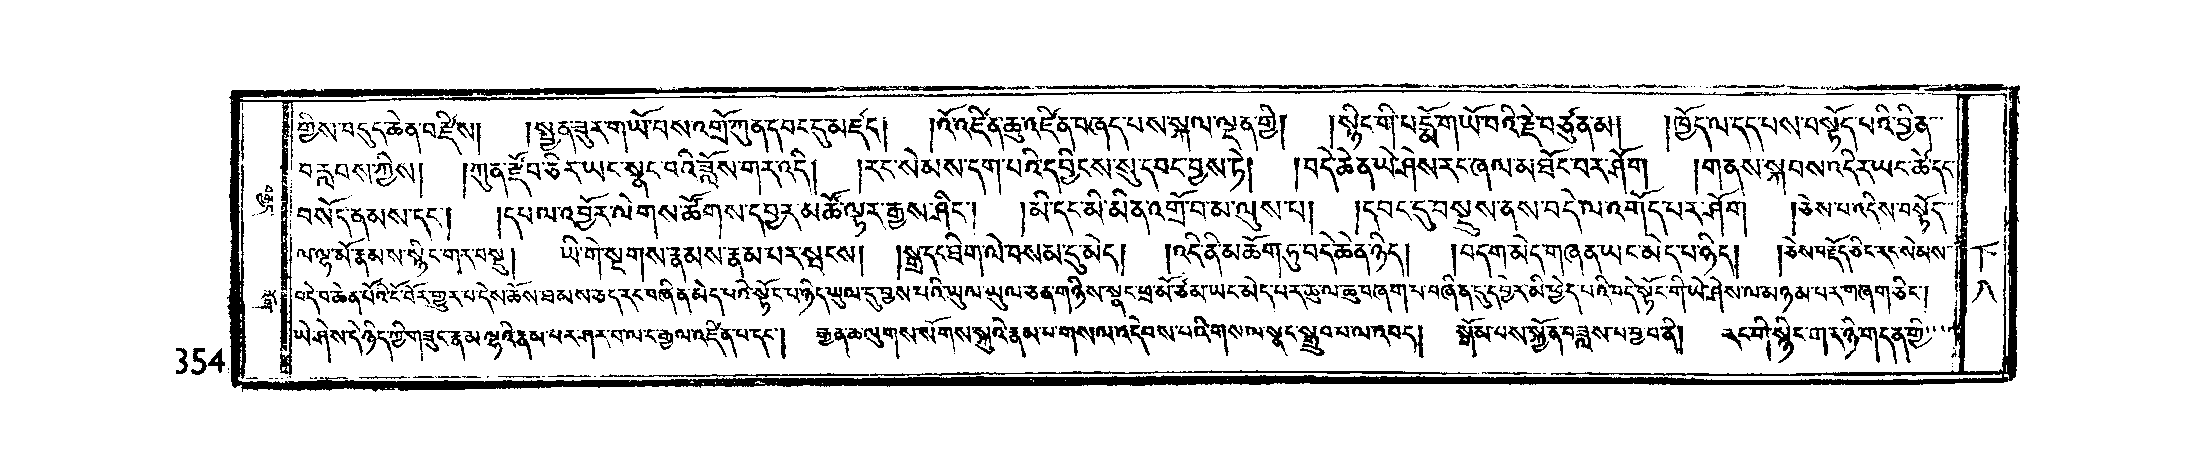གྱིས་བདུད་ཆེན་བརྫིས། །སྤྱན་ཟུར་གཡོ་བས་འགྲོ་ཀུན་དབང་དུ་མཛད། །འོ་འཛིན་ཆུ་འཛིན་བཞད་པས་སྐལ་ལྡན་གྱི། །སྙིང་གི་པདམོ་གཡོ་བའི་རྗེ་བཙུན་མ། །ཁྱོད་ལ་དད་པས་བསྟོད་པའི་བྱིན་
བརླབས་ཀྱིས། །ཀུན་རྫོབ་ཅིར་ཡང་སྣང་བའི་ཟློས་གར་འདི། །རང་སེམས་དག་པའི་དབྱིངས་སུ་དབང་བྱས་ཏེ། །བདེ་ཆེན་ཡེ་ཤེས་རང་ཞལ་མཐོང་བར་ཤོག །གནས་སྐབས་འདིར་ཡང་ཚེ་དང་
བསོད་ནམས་དང་། །དཔལ་འབྱོར་ལེགས་ཚོགས་དབྱར་མཚོ་ལྟར་རྒྱས་ཤིང་། །མི་དང་མི་མིན་འགྲོ་བ་མ་ལུས་པ། །དབང་དུ་བསྡུས་ནས་བདེ་ལ་འགོད་པར་ཤོག །ཅེས་པ་འདིས་བསྟོད་
ལ་ལྷ་མོ་རྣམས་སྙིང་གར་བསྡུ། ཡི་གེ་སྔགས་རྣམས་རྣམ་པར་སྤངས། །སྒྲ་དང་ཐིག་ལེ་བསམ་དུ་མེད། །འདི་ནི་མཆོག་ཏུ་བདེ་ཆེན་ཉིད། །བདག་མེད་གཞན་ཡང་མེད་པ་ཉིད། །ཅེས་བརྗོད་ཅིང་རང་སེམས་
བདེ་བ་ཆེན་པོའི་ངོ་བོར་གྱུར་པ་དེས་ཆོས་ཐམས་ཅད་རང་བཞིན་མེད་པའི་སྟོང་པ་ཉིད་ཡུལ་དུ་བྱས་པའི་ཡུལ་ཡུལ་ཅན་གཉིས་སྣང་ཕྲ་མོ་ཙམ་ཡང་མེད་པར་ཆུ་ལ་ཆུ་བཞག་པ་བཞིན་དུ་དབྱེར་མི་ཕྱེད་པའི་བདེ་སྟོང་གི་ཡེ་ཤེས་ལ་མཉམ་པར་གཞག་ཅིང་།
ཡེ་ཤེས་དེ་ཉིད་ཀྱི་གཟུང་རྣམ་ལྷའི་རྣམ་པར་ཤར་བ་ལ་ང་རྒྱལ་འཛིན་པ་དང་། རྒྱན་ཆ་ལུགས་སོགས་སྐུའི་རྣམ་པ་གསལ་འདེབས་པའི་གསལ་སྣང་སྒྲུབ་པ་ལ་འབད། སྒོམ་པས་སྐྱོན་བཟླས་པ་བྱ་བ་ནི། རང་གི་སྙིང་གར་ཉི་གདན་གྱི་